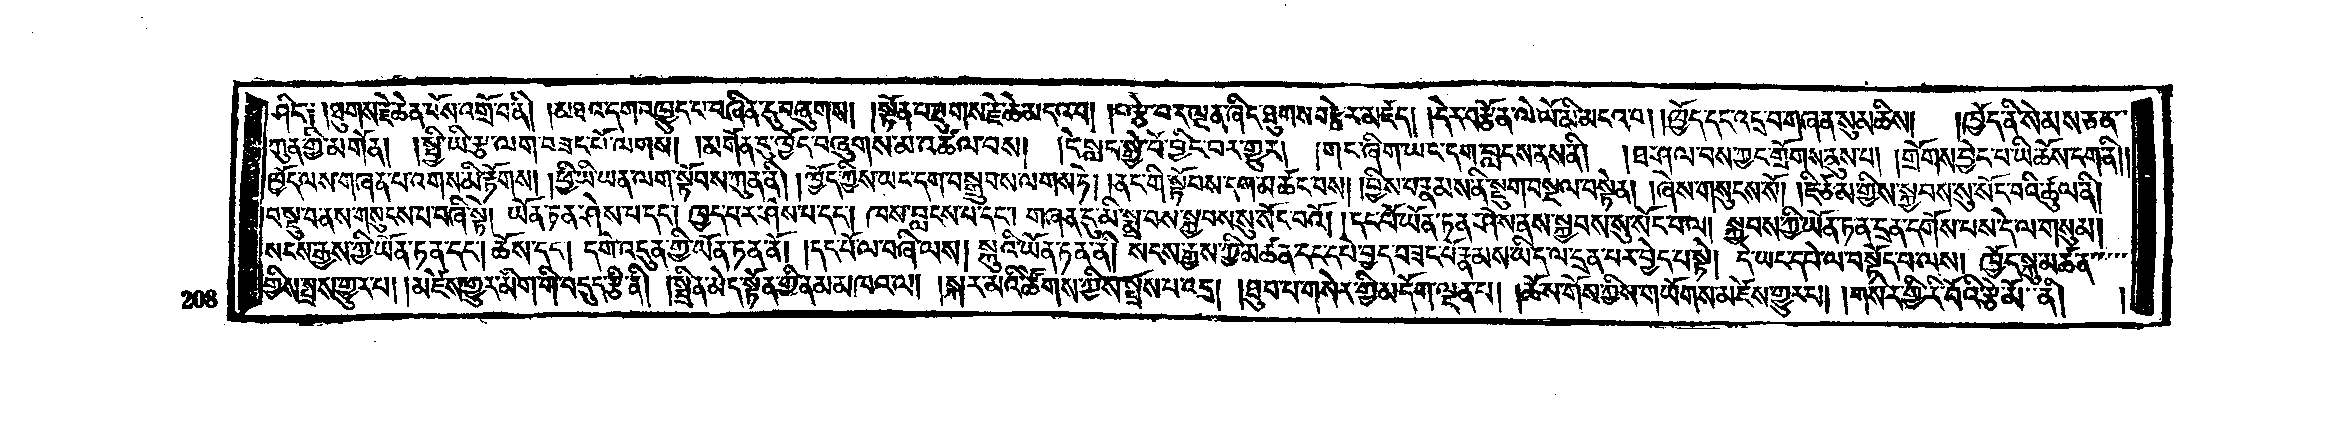ཤིང༑ ༑ཐུགས་རྗེ་ཆེན་པོས་འགྲོ་བ་ནི། །མཐའ་དག་འཁྱུད་པ་བཞིན་དུ་བཞུགས། །སྟོན་པ་ཐུགས་རྗེ་ཆེ་མངའ་བ། །བརྩེ་བར་ལྡན་ཞིང་ཐུགས་བརྩེར་མཛད། །དེར་བརྩོན་ལེ་ལོ་མི་མངའ་བ། །ཁྱོད་དང་འདྲ་བ་གཞན་སུ་མཆིས། །ཁྱོད་ནི་སེམས་ཅན་
ཀུན་གྱི་མགོན། །སྤྱི་ཡི་རྩ་ལག་བཟང་པོ་ལགས། །མགོན་དུ་ཁྱོད་བཞུགས་མ་འཚལ་བས། །དེ་སླད་སྐྱེ་བོ་བྱིང་བར་གྱུར། །གང་ཞིག་ཡང་དག་བླངས་ནས་ནི། །ཐ་ཤལ་བས་ཀྱང་གྲོགས་ནུས་པ། །གྲོགས་བྱེད་པ་ཡི་ཆོས་དག་ནི། །
ཁྱོད་ལས་གཞན་པ་འགས་མི་རྟོགས། །ཕྱི་ཡི་ཡན་ལག་སྟོབས་ཀུན་ནི། །ཁྱོད་ཀྱིས་ཡང་དག་བསྒྲུབས་ལགས་ཏེ། །ནང་གི་སྟོབས་དག་མ་ཚང་བས། །བྱིས་པ་རྣམས་ནི་སྡུག་བསྔལ་བསྟེན། །ཞེས་གསུངས་སོ། །ཇི་ཙམ་གྱིས་སྐྱབས་སུ་སོང་བའི་ཚུལ་ནི།
བསྡུ་བ་ནས་གསུངས་པ་བཞི་སྟེ། ཡོན་ཏན་ཤེས་པ་དང་། ཁྱད་པར་ཤེས་པ་དང་། ཁས་བླངས་པ་དང་། གཞན་དུ་མི་སྨྲ་བས་སྐྱབས་སུ་སོང་བའོ། །དང་པོ་ཡོན་ཏན་ཤེས་ནས་སྐྱབས་སུ་སོང་བ་ལ། སྐྱབས་ཀྱི་ཡོན་ཏན་དྲན་དགོས་པས་དེ་ལ་གསུམ།
སངས་རྒྱས་ཀྱི་ཡོན་ཏན་དང་། ཆོས་དང་། དགེ་འདུན་གྱི་ཡོན་ཏན་ནོ། །དང་པོ་ལ་བཞི་ལས། སྐུའི་ཡོན་ཏན་ནི། སངས་རྒྱས་ཀྱི་མཚན་དང་དཔེ་བྱད་བཟང་པོ་རྣམས་ཡིད་ལ་དྲན་པར་བྱེད་པ་སྟེ། དེ་ཡང་དཔེ་ལ་བསྟོད་པ་ལས། ཁྱོད་སྐུ་མཚན་
གྱིས་སྤྲས་གྱུར་པ། །མཛེས་གྱུར་མིག་གི་བདུད་རྩི་ནི། །སྤྲིན་མེད་སྟོན་གྱི་ནམ་མཁའ་ལ། །སྐར་མའི་ཚོགས་ཀྱིས་སྤྲས་པ་འདྲ། །ཐུབ་པ་གསེར་གྱི་མདོག་ལྡན་པ། །ཆོས་གོས་ཀྱིས་གཡོགས་མཛེས་གྱུར་པ། །གསེར་གྱི་རི་བོའི་རྩེ་མོ་ནི། །